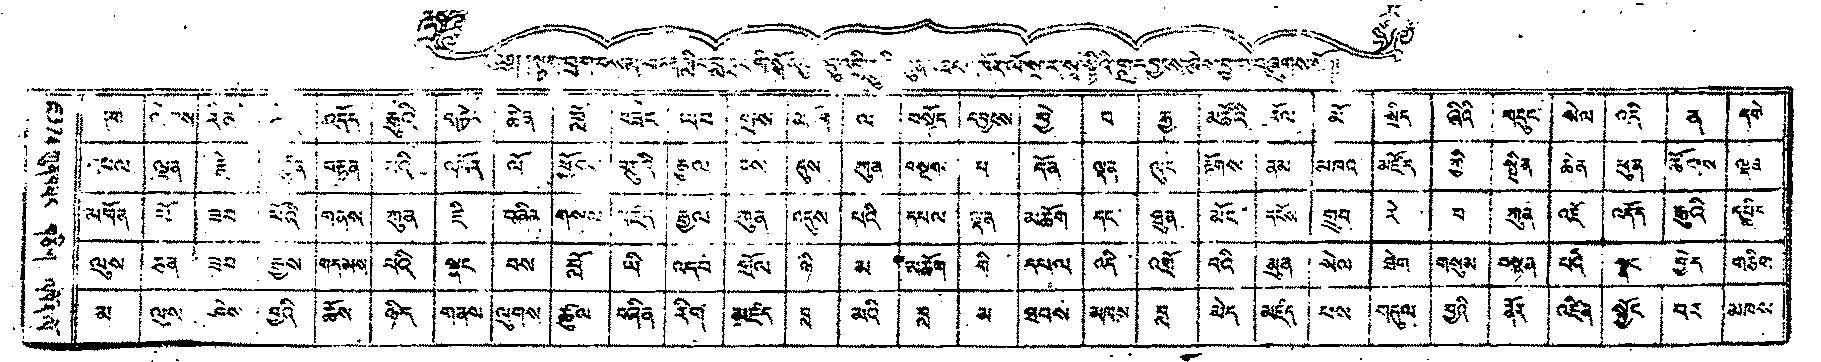༄༅། །སྟག་བྲག་བསམ་གཏན་གླིང་བླ་བྲང་གི་སྒོ་འཕྱོར་དུ་འབྲི་རྒྱུའི་ཀུན་བཟང་འཁོར་ལོ་སྭ་ར་སྭ་སྟིའི་གླུ་དབྱངས་ཞེས་བྱ་བ་བཞུགས་སོ། །
དགེ་ལེགས་རིན་ཆེན་འདོད་རྒུའི་གཏེར་ཆེན་བློ་བཟང་ཡབ་སྲས་མཆོག་ལ་བསྟོད་དབྱངས་བྱེ་བ་རྒྱ་མཚོའི་རོལ་མོ་སྲིད་ཞིའི་གདུང་སེལ་འདི་ན་དགེ་
དཔལ་ལྡན་རྗེ་བཙུན་བརྟན་པའི་འཁོར་ལོ་ཕྱོགས་བཅུའི་རྒྱལ་བས་དུས་ཀུན་བསྔགས་པ་དོན་ལྡན་ལུང་རྟོགས་ནམ་མཁའ་མཛོད་ཀྱི་སྤྲིན་ཆེན་ཕུན་ཚོགས་ལྡན་
མགོན་པོ་ཟབ་མོའི་གནས་ཀུན་ཇི་བཞིན་གསལ་མཛད་རྒྱལ་ཀུན་འདུས་པའི་དཔལ་ལྡན་མཆོག་དང་ཐུན་མོང་དངོས་གྲུབ་རེ་བ་ཀུན་འཇོ་འདོད་རྒུའི་དཔྱིད་
ལུས་ཅན་ཟབ་རྒྱས་གདམས་པའི་སྣང་བས་བློ་ཡི་འདབ་གྲོལ་ཉི་མ་མཆོག་གི་དཔལ་འདི་འགྲོ་བའི་མུན་སེལ་ཐེག་གསུམ་བསྟན་པའི་སྣང་བྱེད་གཅིག་
མ་ལུས་ཤེས་བྱའི་ཆོས་ཉིད་གནས་ལུགས་ཚུལ་བཞིན་རིག་མཛད་བླ་མའི་བླ་མ་ཐབས་མཁས་བླ་མེད་མཛད་པས་གདུལ་བྱའི་ནོར་འཛིན་སྐྱོང་བར་མཁས་